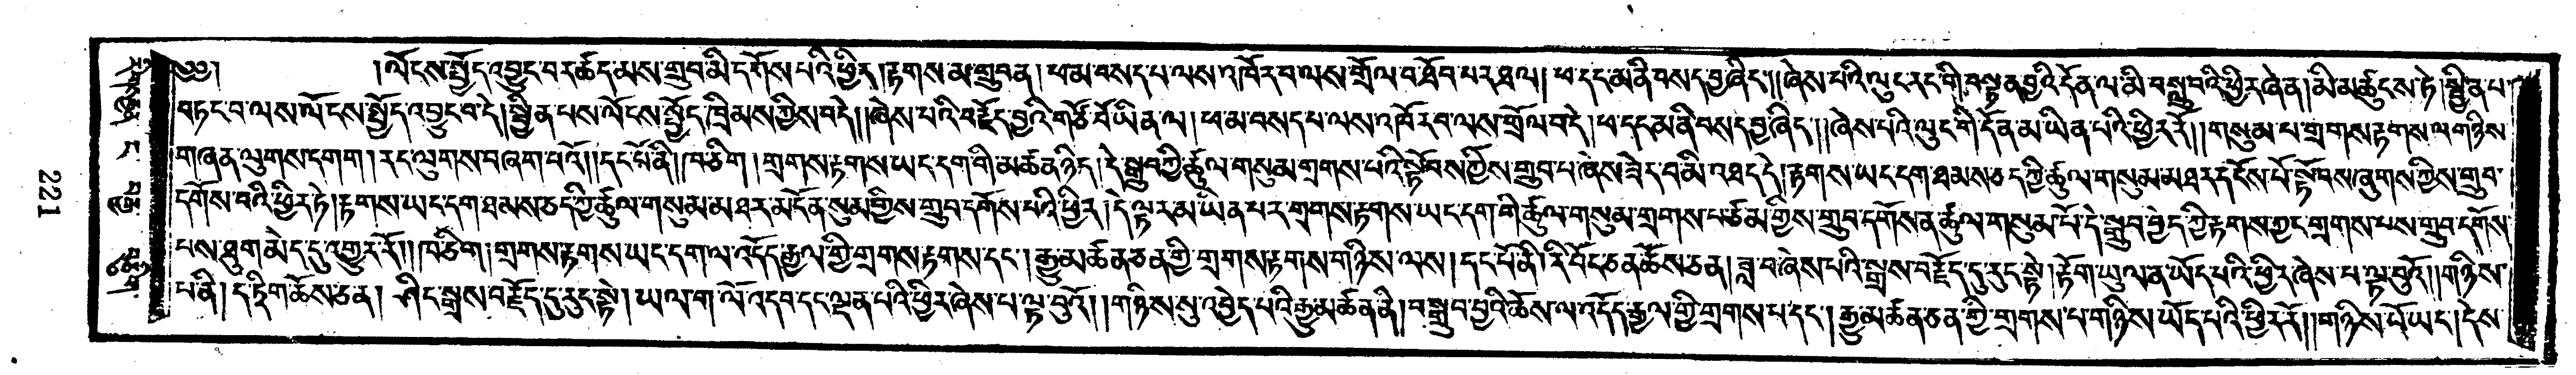༄༅། །ལོངས་སྤྱོད་འབྱུང་བར་ཚད་མས་གྲུབ་མི་དགོས་པའི་ཕྱིར། རྟགས་མ་གྲུབ་ན། ཕ་མ་བསད་པ་ལས་འཁོར་བ་ལས་གྲོལ་བ་ཐོབ་པར་ཐལ། ཕ་དང་མ་ནི་བསད་བྱ་ཞིང་། །ཞེས་པའི་ལུང་རང་གི་བསྟན་བྱའི་དོན་ལ་མི་བསླུ་བའི་ཕྱིར་ཞེ་ན། མི་མཚུངས་ཏེ། སྦྱིན་པ་
བཏང་བ་ལས་ལོངས་སྤྱད་འབྱུང་བ་དེ། སྦྱིན་པས་ལོངས་སྤྱོད་ཁྲིམས་ཀྱིས་བདེ། །ཞེས་པའི་བརྗོད་བྱའི་གཙོ་བོ་ཡིན་ལ། ཕ་མ་བསད་པ་ལས་འཁོར་བ་ལས་གྲོལ་?་བ་དེ། ཕ་དང་མ་ནི་བསད་བྱ་ཞིང་། །ཞེས་པའི་ལུང་གི་དོན་མ་ཡིན་པའི་ཕྱིར་རོ། །གསུམ་པ་གྲགས་རྟགས་ལ་གཉིས།
གཞན་ལུགས་དགག །རང་ལུགས་བཞག་པའོ། །དང་པོ་ནི། ཁ་ཅིག །གྲགས་རྟགས་ཡང་དག་གི་མཚན་ཉིད། དེ་སྒྲུབ་ཀྱི་ཚུལ་གསུམ་གྲགས་པའི་སྟོབས་ཀྱིས་གྲུབ་པ་ཞེས་ཟེར་བ་མི་འཐད་དེ། རྟགས་ཡང་དག་ཐམས་ཅད་ཀྱི་ཚུལ་གསུམ་མཐར་དངོས་པོ་སྟོབས་ཞུགས་ཀྱིས་གྲུབ་
དགོས་པའི་ཕྱིར་ཏེ། རྟགས་ཡང་དག་ཐམས་ཅད་ཀྱི་ཚུལ་གསུམ་མཐར་མངོན་སུམ་གྱིས་གྲུབ་དགོས་པའི་ཕྱིར། དེ་ལྟར་མ་ཡིན་པར་གྲགས་རྟགས་ཡང་དག་གི་ཚུལ་གསུམ་གྲགས་པ་ཙམ་གྱིས་གྲུབ་དགོས་ན་ཚུལ་གསུམ་པོ་དེ་སྒྲུབ་བྱེད་ཀྱི་རྟགས་ཀྱང་གྲགས་པས་གྲུབ་དགོས་
པས་ཐུག་མེད་དུ་འགྱུར་རོ། །ཁ་ཅིག །གྲགས་རྟགས་ཡང་དག་ལ་འདོད་རྒྱལ་གྱི་གྲགས་རྟགས་དང་། རྒྱུ་མཚན་ཅན་གྱི་གྲགས་རྟགས་གཉིས་ལས། དང་པོ་ནི། རི་བོང་ཅན་ཆོས་ཅན། ཟླ་བ་ཞེས་པའི་སྒྲས་བརྗོད་དུ་རུང་སྟེ། རྟག་ཡུལ་ན་ཡོད་པའི་ཕྱིར་ཞེས་པ་ལྟ་བུའོ། །གཉིས་
པ་ནི། དེ་ཏྲིག་?་ཆོས་ཅན། ཤིང་སྒྲས་བརྗོད་དུ་རུང་སྟེ། ཡལ་ག་ལོ་འདབ་དང་ལྡན་པའི་ཕྱིར་ཞེས་པ་ལྟ་བུའོ། །གཉིས་སུ་འབྱེད་པའི་རྒྱུ་མཚན་ནི། བསྒྲུབ་བྱའི་ཆོས་ལ་འདོད་རྒྱལ་གྱི་གྲགས་པ་དང་། རྒྱུ་མཚན་ཅན་གྱི་གྲགས་པ་གཉིས་ཡོད་པའི་ཕྱིར་རོ། །གཉིས་པོ་ཡང་། དེས་